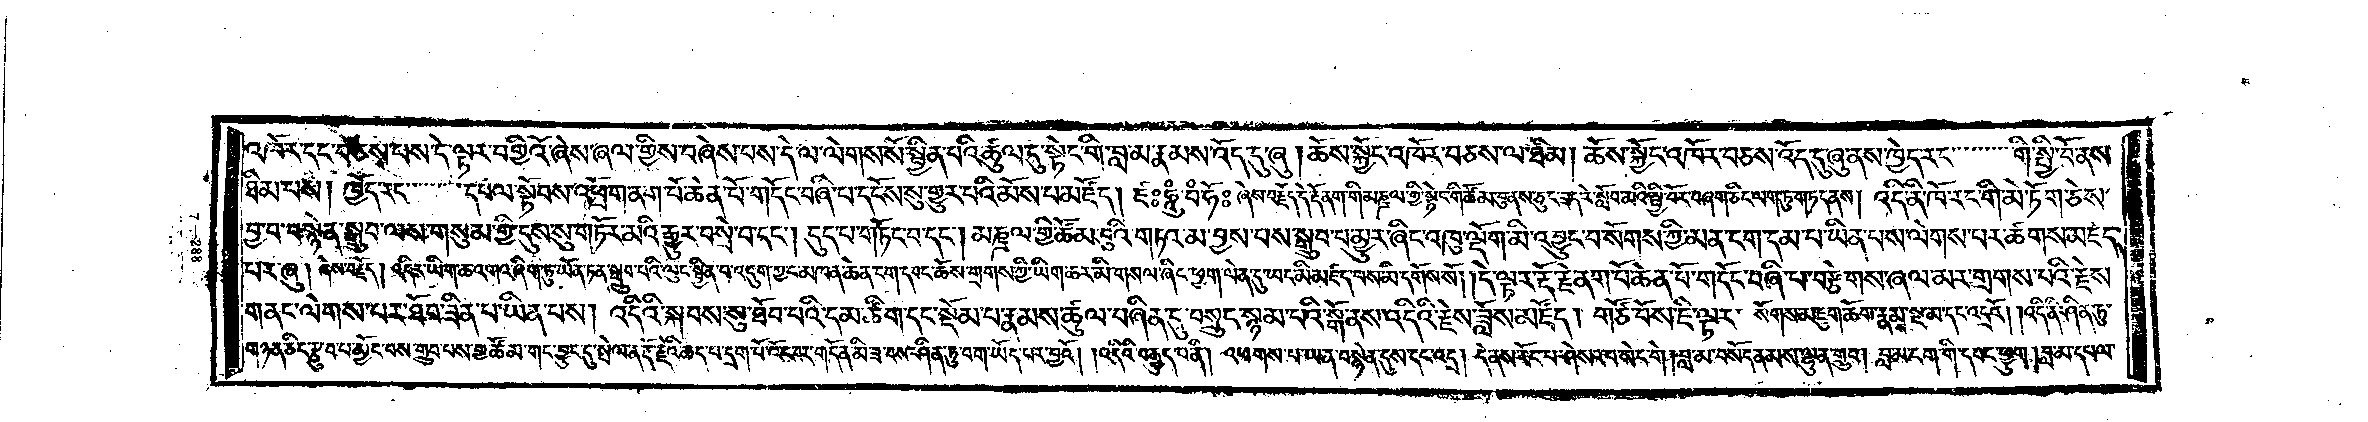འཁོར་དང་བཅས་པས་དེ་ལྟར་བགྱིའོ་ཞེས་ཞལ་གྱིས་བཞེས་པས་དེ་ལ་ལེགས་སོ་སྦྱིན་པའི་ཚུལ་དུ་སྟེང་གི་བླ་མ་རྣམས་འོད་དུ་ཞུ། ཆོས་སྐྱོང་འཁོར་བཅས་ལ་ཐིམ། ཆོས་སྐྱོང་འཁོར་བཅས་འོད་དུ་ཞུ་ནས་ཁྱེད་རང་གི་སྤྱི་བོ་ནས་
ཐིམ་པས། ཁྱོད་རང་དཔལ་སྟོབས་འཕྲོག་ནག་པོ་ཆེན་པོ་གདོང་བཞི་པ་དངོས་སུ་གྱུར་པའི་མོས་པ་མཛོད། ཛཿ ཧཱུམ་བཾ་ཧོཿ ཞེས་བརྗོད་དེ་ནག་གི་མཎྜལ་གྱི་སྟེང་གི་ཚོམ་བུ་ནས་ཅུང་ཟད་མེ་སློབ་མའི་སྤྱི་བོར་བཞག་ཅིང་ལག་ཏུ་གཏད་ནས།  འདི་ནི་ཁོ་རང་གི་མེ་ཏོག་ཅེས་
བྱ་བ་བསྙེན་སྒྲུབ་ལས་གསུམ་གྱི་དུས་སུ་གཏོར་མའི་རྒྱུར་བསྲེ་བ་དང་། དུད་པ་གཏོང་བ་དང་། མཎྜལ་གྱི་ཚོམ་བུའི་གཏའ་མ་བྱས་པས་སྒྲུབ་པ་མྱུར་ཞིང་འཁུ་ལྡོག་མི་འབྱུང་པ་སོགས་ཀྱི་མན་ངག་དམ་པ་ཡིན་པས་ལེགས་པར་ཚགས་མཛད་
བར་ཞུ། ཞེས་བརྗོད། འདིར་ཡིག་ཆ་འགའ་ཞིག་ཏུ་ཡོན་ཏན་སྒྲུབ་པའི་ལུང་སྦྱིན་པ་འདུག་ཀྱང་མཁན་ཆེན་ངག་དབང་ཆོས་གྲགས་ཀྱི་ཡིག་ཆར་མི་གསལ་ཞིང་ཕྱག་ལེན་དུ་ཡང་མི་མཛད་པས་མི་དགོས་སོ།  །དེ་ལྟར་རྡོ་རྗེ་ནག་པོ་ཆེན་པོ་གདོང་བཞི་པ་བརྩེགས་ཞལ་མར་གྲགས་པའི་རྗེས་
གནང་ལེགས་པར་ཐོབ་ཟིན་པ་ཡིན་པས། འདིའི་སྐབས་སུ་ཐོབ་པའི་དམ་ཚིག་དང་སྡོམ་པ་རྣམས་ཚུལ་བཞིན་དུ་བསྲུང་སྙམ་པའི་སྒོ་ནས་འདིའི་རྗེས་ཟློས་མཛོད། གཙོ་བོས་ཇི་ལྟར་སོགས་མཇུག་ཆོག་རྣམས་སྔ་མ་དང་འདྲའོ། །འདི་ནི་ཤིན་ཏུ་
གཉན་ཅིང་རྩུབ་བ་མྱོང་བས་གྲུབ་པས་གྱ་ཚོམ་གང་བྱུང་དུ་སྤེལ་ན་རྡོ་རྗེའི་ཆད་པ་དྲག་པོ་འོང་བར་གདོན་མི་ཟ་བས་ཤིན་ཏུ་བག་ཡོད་པར་བྱའོ། །འདིའི་བརྒྱུད་པ་ནི། འཕགས་པ་ཡན་བསྙེན་དུས་དང་འདྲ། དེ་ནས་རོང་པ་ཤེས་རབ་སེང་གེ། བླ་མ་བསོད་ནམས་ལྷུན་གྲུབ། བླ་མ་ངག་གི་དབང་ཕྱུག །བླ་མ་དཔལ་